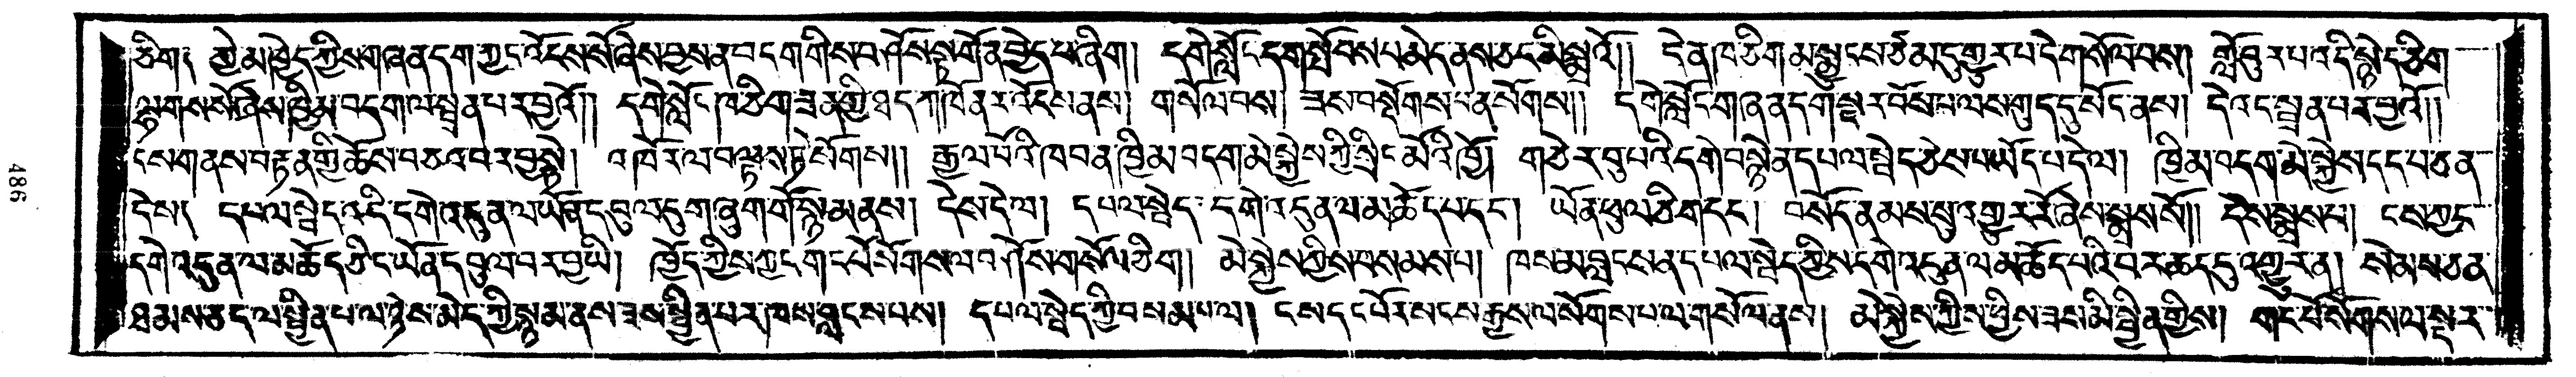ཅིག༑ ཀྱེ་མཁྱེད་ཀྱིས་གཞན་དག་ཀྱང་འོངས་སོ་ཞེས་བྱས་ན་བདག་གིས་བཤོས་སྟ་གོན་བྱེད་པ་ཞིག། དགེ་སློང་དག་སྤོབས་པ་མེད་ནས་ཅང་མི་སྨྲའོ།། དེ་ན་ཁ་ཅིག་མ་སྨྱུངས་ཙམ་དུ་གྱུར་པ་དེ་གསོལ་བས། གློ་བུར་པ་འདི་སྙེད་ཅིག་
ལྷགས་སོ་ཞེས་ཁྱིམ་བདག་ལ་སྦྲན་པར་བྱའོ།། དགེ་སློང་ཁ་ཅིག་ཟན་གྱི་ཐད་ཀ་ཁོ་ནར་འོངས་ནས། གསོལ་བས། ཟས་བསྡོགས་པན་སོགས།། དགེ་སློང་གཞན་དག་སྔར་བོས་པ་ལས་གུད་དུ་སོང་ནས། དེའང་སྦྲན་པར་བྱའོ།།
ངས་གནས་བརྟན་གྱི་ཆོས་བཅའ་བར་བྱ་སྟེ། འཁོར་ལ་བལྟས་ཏེ་སོགས།། རྒྱལ་པོའི་ཁབ་ན་ཁྱིམ་བདག་མེ་སྐྱེས་ཀྱི་སྲིང་མོའི་ཁྱོ། གཅེར་བུ་པའི་དགེ་བསྙེན་དཔལ་སྦེད་ཅེས་པ་ཡོད་པ་དེ་ལ། ཁྱིམ་བདག་མེ་སྐྱེས་དད་པ་ཅན་
དེས། དཔལ་སྦེད་འདི་དགེ་འདུན་ལ་ཡོན་དབུལ་དུ་གཞུག་གོ་སྙམ་ནས། དེས་དེ་ལ། དཔལ་སྦེད་དགེ་འདུན་ལ་མཆོད་པ་དང་། ཡོན་ཕུལ་ཅིག་དང་། བསོད་ནམས་སུ་འགྱུར་རོ་ཞེས་སྨྲས་སོ།། དེས་སྨྲས་པ། ངས་ཀྱང་
དགེ་འདུན་ལ་མཆོད་ཅིང་ཡོན་དབུལ་བར་བྱ་ཡི། ཁྱོད་ཀྱིས་ཀྱང་གང་པོ་སོགས་ལ་བཤོས་གསོལ་ཅིག། མེ་སྐྱེས་ཀྱིས་བསམས་པ། ཁས་མ་བླངས་ན་དཔལ་སྦེད་ཀྱིས་དགེ་འདུན་ལ་མཆོད་པའི་བར་ཆད་དུ་འགྱུར་ན། སེམས་ཅན་
ཐམས་ཅད་ལ་སྦྱིན་པ་ལ་ཉེས་མེད་ཀྱི་སྙམ་ནས་ཟས་སྦྱིན་པར་ཁས་བླངས་པས། དཔལ་སྦེད་ཀྱི་བསམ་པ་ལ། ངས་དང་པོར་སངས་རྒྱས་ལ་སོགས་པ་ལ་གསོལ་ནས། མེ་སྐྱེས་ཀྱིས་ཕྱིས་ཟས་མི་སྦྱིན་གྱིས། གང་པོ་སོགས་ལ་སྡར་